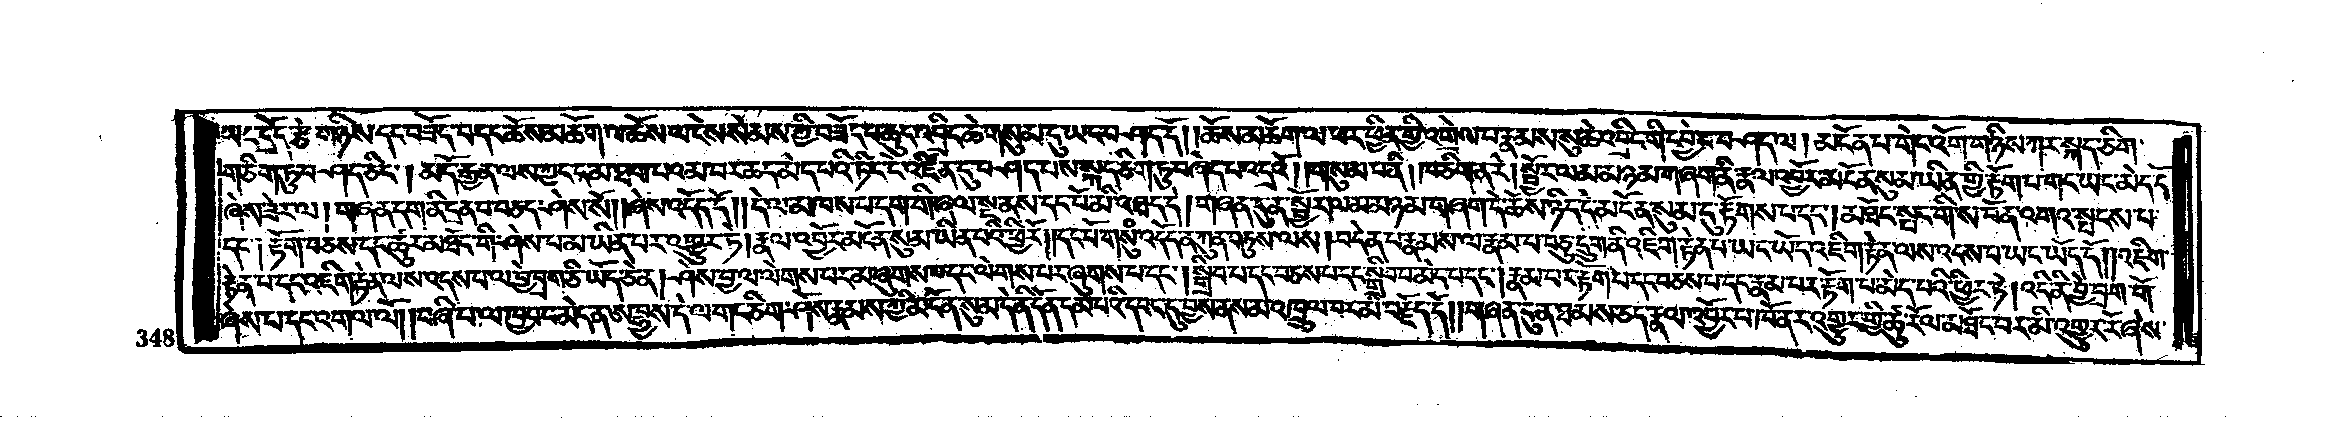ཡང་དྲོད་རྩེ་གཉིས་དང་བཟོད་པ་དང་ཆོས་མཆོག་ལ་ཆོས་ལ་ངེས་སེམས་ཀྱི་བཟོད་པ་ཆུང་འབྲིང་ཆེ་གསུམ་དུ་ཡང་བཤད་དོ། །ཆོས་མཆོག་ལ་ཕར་ཕྱིན་གྱི་འགྲེལ་པ་རྣམས་སུ་ཆེ་འབྲིང་གི་དབྱེ་བ་བཤད་ལ། མངོན་པ་གོང་འོག་གཉིས་ཀར་སྐད་ཅིག་
གཅིག་ཏུ་བཤད་ཅིང་། མདོ་རྒྱན་ལས་ཀྱང་དེ་མ་ཐག་པའམ་བར་ཆད་མེད་པའི་ཏིང་ངེ་འཛིན་དུ་བཤད་པས་སྐད་ཅིག་ཏུ་བཞེད་པ་འདྲའོ། །གསུམ་པ་ནི། ཁ་ཅིག་ན་རེ། སྦྱོར་ལམ་མཉམ་གཞག་ནི་རྣལ་འབྱོར་མངོན་སུམ་ཡིན་གྱི་རྟོག་པ་གང་ཡང་མེད་དོ་
ཞེས་ཟེར་ལ། གཞན་དག་ནི་དྲན་པ་བཅད་ཤེས་སོ། །ཞེས་འདོད་དོ། །དེ་ལ་མཁས་པ་དག་གི་ཞལ་སྔ་ནས་དང་པོ་མི་འཐད་དེ། གཞན་དུ་ན་སྦྱོར་ལམ་མཉམ་གཞག་དེ་ཆོས་ཉིད་དེ་མངོན་སུམ་དུ་རྟོགས་པ་དང་། མཐོང་སྤང་གི་ས་བོན་འགའ་སྤངས་པ་
དང་། རྟོག་བཅས་དང་ཚུར་མཐོང་གི་ཤེས་པ་མ་ཡིན་པར་འགྱུར་ཏེ། རྣལ་འབྱོར་མངོན་སུམ་ཡིན་པའི་ཕྱིར་རོ། །དང་པོ་གསུམ་འདོད་ན་ཀུན་བཏུས་ལས། བདེན་པ་རྣམས་ལ་རྣམ་པ་བཅུ་དྲུག་ནི་འཇིག་རྟེན་པ་ཡང་ཡོད་འཇིག་རྟེན་ལས་འདས་པ་ཡང་ཡོད་དོ། །འཇིག་
རྟེན་པ་དང་འཇིག་རྟེན་ལས་འདས་པ་ལ་བྱེ་དྲག་ཅི་ཡོད་ཅེ་ན། ཤེས་བྱ་ལ་ལེགས་པར་མ་ཞུགས་པ་དང་ལེགས་པར་ཞུགས་པ་དང་། སྒྲིབ་པ་དང་བཅས་པ་དང་སྒྲིབ་པ་མེད་པ་དང་། རྣམ་པར་རྟོག་པ་དང་བཅས་པ་དང་རྣམ་པར་རྟོག་པ་མེད་པའི་ཕྱིར་ཏེ། འདི་ནི་བྱེ་བྲག་གོ་
ཞེས་པ་དང་འགལ་ལོ། །བཞི་པ་ལ་ཁྱབ་པ་མེད་ན་ཨ་བྷྱས་དེ་ལ་གང་ཅིག་ཤོས་རྣམས་ཀྱི་མངོན་སུམ་དེ་ནི་དོན་དམ་པའི་དབང་དུ་བྱས་ནས་མ་འཁྲུལ་བར་མི་བརྗོད་དོ། །གཞན་དུ་ན་ཐམས་ཅད་རྣལ་འབྱོར་པ་ཁོ་ནར་འགྱུར་གྱི་ཚུ་རོལ་མཐོང་བར་མི་འགྱུར་རོ་ཞེས་